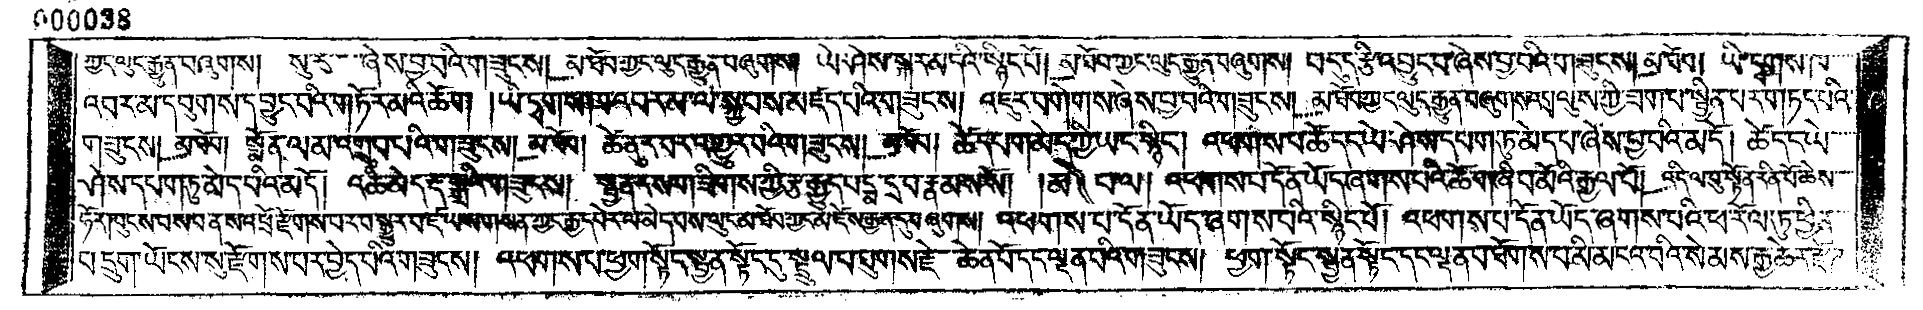ཀྱང་ལུང་རྒྱུན་བཞུགས། སུ་རུ་ཞེས་བྱ་བའི་གཟུངས་མ་ཐོབ་ཀྱང་ལུང་རྒྱུན་བཞུགས།  ཡེ་ཤེས་སྐར་མདའི་སྙིང་པོ་མ་ཐོབ་ཀྱང་ལུང་རྒྱུན་བཞུགས།  བདུད་རྩི་འབྱུང་བ་ཞེས་བྱ་བའི་གཟུངས་མ་ཐོབ།  ཡི་དྭགས་ཁ་
འབར་མ་དབུགས་དབྱུང་བའི་གཏོར་མའི་ཆོ་ག །ཡི་དྭགས་ཁ་འབར་མ་ལ་སྐྱབས་མཛད་པའི་གཟུངས། འཇུར་བགེགས་ཞེས་བྱ་བའི་གཟུངས། མ་ཐོབ་ཀྱང་ལུང་རྒྱུན་བཞུགས་འདྲ།  ལུས་ཀྱི་ཟག་པ་སྦྱིན་པར་གཏང་པའི་
གཟུངས་མ་ཐོབ།  སྨོན་ལམ་འགྲུབ་པའི་གཟུངས་མ་ཐོབ།  ཚེ་ནུར་བར་འགྱུར་བའི་གཟུངས་མ་ཐོབ།  ཚེ་དཔག་མེད་ཀྱི་ཡང་སྙིང་། འཕགས་པ་ཚེ་དང་ཡེ་ཤེས་དཔག་ཏུ་མེད་པ་ཞེས་བྱ་བའི་མདོ། ཚེ་དང་ཡེ་
ཤེས་དཔག་ཏུ་མེད་པའི་མདོ། འཆི་མེད་རྡ་སྒྲའི་གཟུངས། སྤྱན་རས་གཟིགས་ཀྱི་རྩ་རྒྱུད་པདམ་དྲ་བ་རྣམས་སོ། །མ༼༽ པ་ལ། འཕགས་པ་དོན་ཡོད་ཞགས་པའི་ཆོ་ག་ཞིབ་མོའི་རྒྱལ་པོ་འདི་ལ་བུ་སྟོན་རིན་པོ་ཆེས་
ཧོར་ཁུངས་བསབ་ནས་འཕྲོ་རྫོགས་པར་བསྒྱུར་བ་ཛ་ཡས་གསན་ཀྱང་རྒྱ་དཔེར་ལ་མེད་པས་ལུང་མ་ཐོབ་ཀྱང་མཛེས་རྒྱན་དུ་བཞུགས། འཕགས་པ་དོན་ཡོད་ཞགས་པའི་སྙིང་པོ། འཕགས་པ་དོན་ཡོད་ཞགས་པའི་ཕ་རོལ་ཏུ་ཕྱིན་
པ་དྲུག་ཡོངས་སུ་རྫོགས་པར་བྱེད་པའི་གཟུངས། འཕགས་པ་ཕྱག་སྟོང་སྤྱན་སྟོང་དུ་སྤྲུལ་པ་ཐུགས་རྗེ་ཆེན་པོ་དང་ལྡན་བའི་གཟུངས། ཕྱག་སྟོང་སྤྱན་སྟོང་དང་ལྡན་པ་ཐོགས་པ་མི་མངའ་བའི་སེམས་རྒྱ་ཆེར་རྫོཌ་